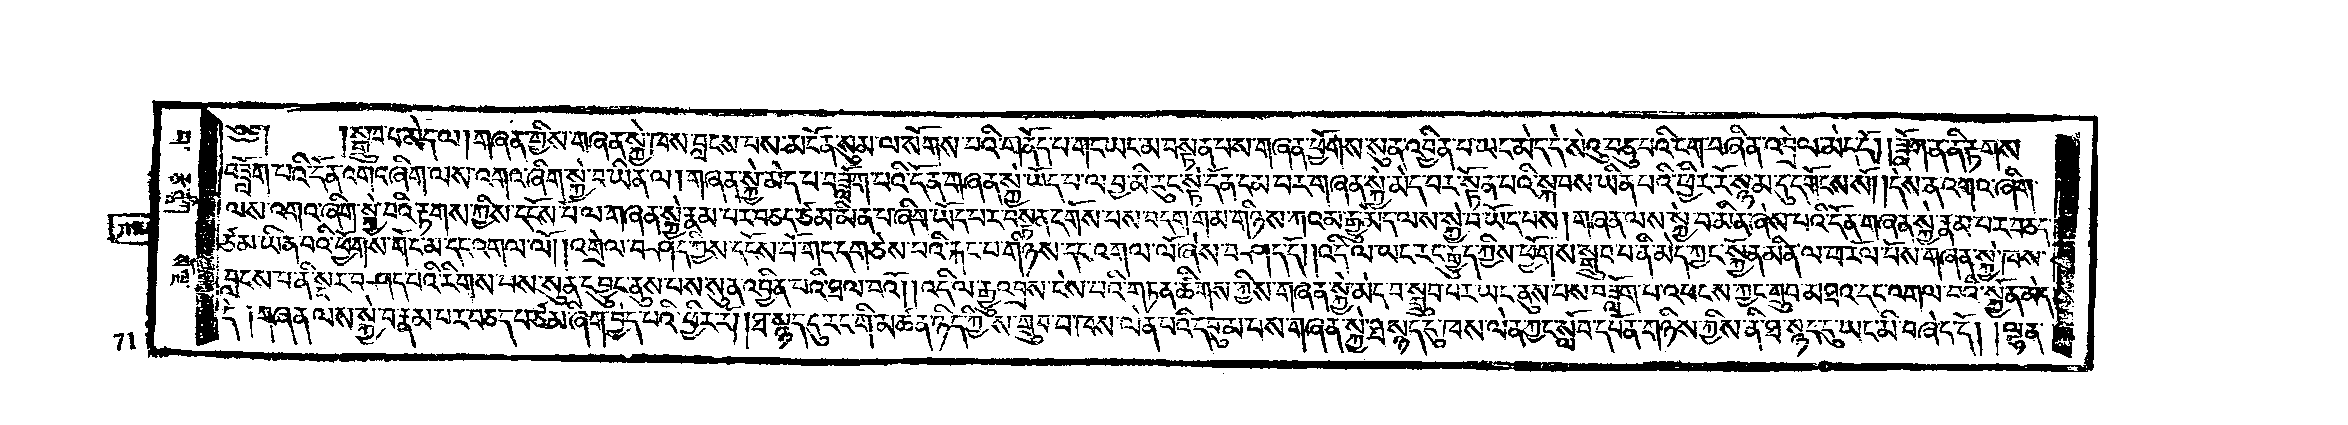༄༅། །སྒྲུབ་པ་མེད་ལ། གཞན་གྱིས་གཞན་སྐྱེ་ཁས་བླངས་པས་མངོན་སུམ་ལ་སོགས་པའི་གནོད་པ་གང་ཡང་མ་བསྟན་པས་གཞན་ཕྱོགས་སུན་འབྱིན་པ་ཡང་མེད་དེ་སེའུ་བཅུ་པའི་ངག་བཞིན་འབྲེལ་མེད་དོ། །ཟློག་ན་ནི་རྟགས་
བཟློག་པའི་དོན་འགའ་ཞིག་ལས་འགའ་ཞིག་སྐྱེ་བ་ཡིན་ལ། གཞན་སྐྱེ་མེད་པ་བཟློག་པའི་དོན་གཞན་སྐྱེ་ཡོད་པ་ལ་བྱ་མི་རུང་སྟེ་དོན་དམ་པར་གཞན་སྐྱེ་མེད་པར་སྟོན་པའི་སྐབས་ཡིན་པའི་ཕྱིར་རོ་སྙམ་དུ་དགོངས་སོ། །དེས་ན་འགའ་ཞིག་
ལས་འགའ་ཞིག་སྐྱེ་བའི་རྟགས་ཀྱིས་དངོས་པོ་ལ་གཞན་སྐྱེ་རྣམ་པར་བཅད་ཙམ་མིན་པ་ཞིག་ཡོད་པར་བསྟན་དགོས་པས་བདག་གམ་གཉིས་ཀའམ་རྒྱུ་མེད་ལས་སྐྱེ་བ་ཡོད་པས། གཞན་ལས་སྐྱེ་བ་མིན་ཞེས་པའི་དོན་གཞན་སྐྱེ་རྣམ་པར་བཅད་
ཙམ་ཡིན་པའི་ཕྱོགས་གོང་མ་དང་འགལ་ལོ་།འགྲེལ་བཤད་ཀྱིས་དངོས་པོ་གང་དག་ཅེས་པའི་རྐང་པ་གཉིས་དང་འགལ་ལོ་ཞེས་བཤད་དོ། །འདི་ལ་ཡང་རང་རྒྱུད་ཀྱིས་ཕྱོགས་སྒྲུབ་པ་ནི་མེད་ཀྱང་སྐྱོན་མིན་ལ་ཕ་རོལ་པོས་གཞན་སྐྱེ་ཁས་
བླངས་པ་ནི་སྔར་བཤད་པའི་རིགས་པས་སུན་དབྱུང་ནུས་པས་སུན་འབྱིན་པའི་ཐལ་བའོ། །འདི་ལ་རྒྱུ་འབྲས་ངེས་པའི་གཏན་ཚིགས་ཀྱིས་གཞན་སྐྱེ་མེད་པ་སྒྲུབ་པར་ཡང་ནུས་པས་བཟློག་པ་འཕངས་ཀྱང་གྲུབ་མཐའ་དང་འགལ་བའི་སྐྱོན་མེད་
དེ་༑གཞན་ལས་སྐྱེ་བ་རྣམ་པར་བཅད་པ་ཙམ་ཞིག་བྱེད་པའི་ཕྱིར་རོ། །ཐ་སྙད་དུ་རང་གི་མཚན་ཉིད་ཀྱིས་གྲུབ་པ་ཁས་ལེན་པའི་དབུ་མ་པས་གཞན་སྐྱེ་ཐ་སྙད་དུ་ཁས་ལེན་ཀྱང་སློབ་དཔོན་གཉིས་ཀྱིས་ནི་ཐ་སྙད་དུ་ཡང་མི་བཞེད་དོ། །ལྷན་